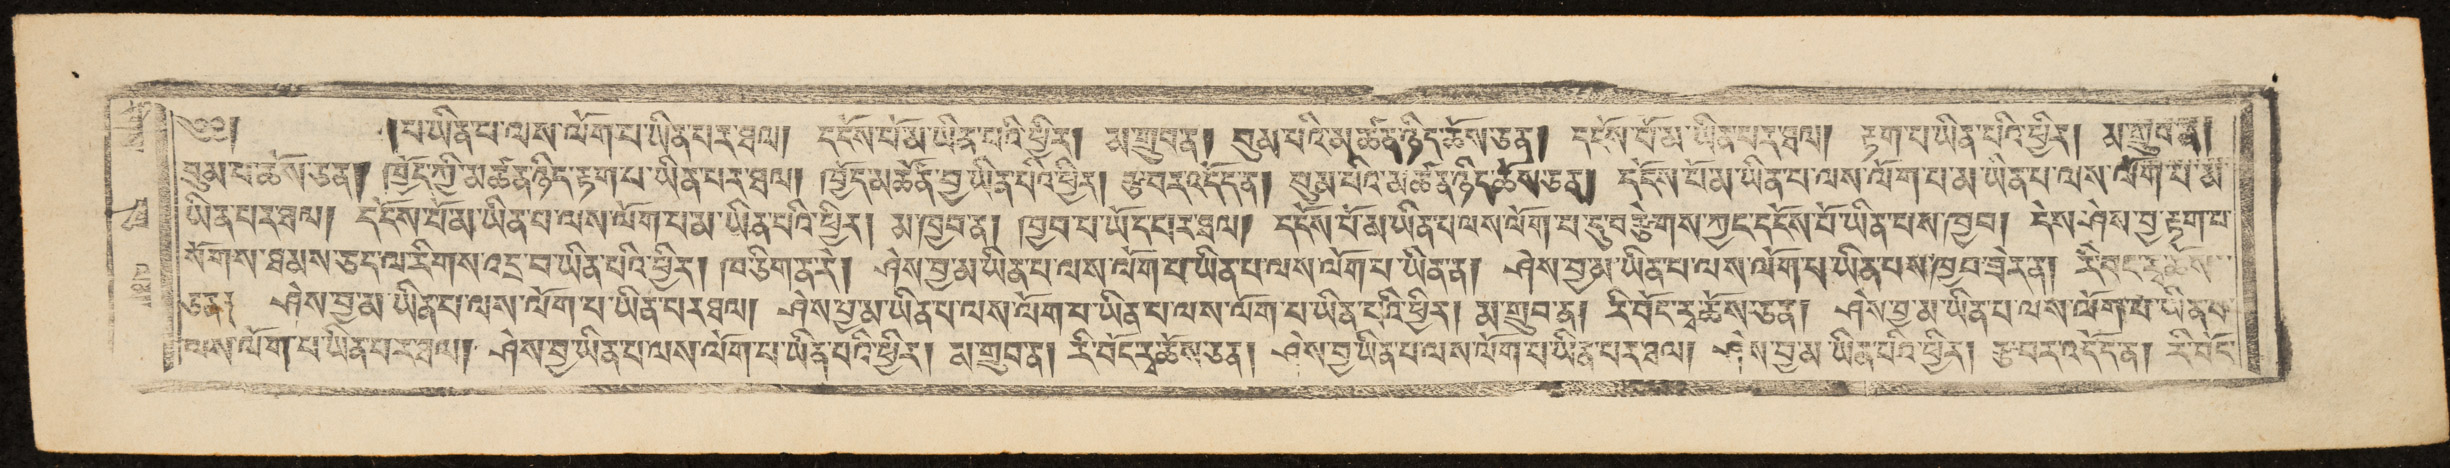༄༅། །པོ་ཡིན་པ་ལས་ལོག་པ་ཡིན་པར་ཐལ། དངོས་པོ་མ་ཡིན་པའི་ཕྱིར། མ་གྲུབ་ན། བུམ་པའི་མཚན་ཉིད་ཆོས་ཅན། དངོས་པོ་མ་ཡིན་པར་ཐལ། རྟག་པ་ཡིན་པའི་ཕྱིར། མ་གྲུབ་ན།
བུམ་པ་ཆོས་ཅན། ཁྱོད་ཀྱི་མཚན་ཉིད་རྟག་པ་ཡིན་པར་ཐལ། ཁྱོད་མཚོན་བྱ་ཡིན་པའི་ཕྱིར། རྩ་བར་འདོད་ན། བུམ་པའི་མཚན་ཉིད་ཆོས་ཅན། དངོས་པོ་མ་ཡིན་པ་ལས་ལོག་པ་མ་ཡིན་པ་ལས་ལོག་པ་མ་
ཡིན་པར་ཐལ། དངོས་པོ་མ་ཡིན་པ་ལས་ལོག་པ་མ་ཡིན་པའི་ཕྱིར། མ་ཁྱབ་ན། ཁྱབ་པ་ཡོད་པར་ཐལ། དངོས་པོ་མ་ཡིན་པ་ལས་ལོག་པ་དུ་བརྩེགས་ཀྱང་དངོས་པོ་ཡིན་པས་ཁྱབ། དེས་ཤེས་བྱ་རྟག་པ་
སོགས་ཐམས་ཅད་ལ་རིགས་འདྲ་བ་ཡིན་པའི་ཕྱིར། ཁ་ཅིག་ན་རེ། ཤེས་བྱ་མ་ཡིན་པ་ལས་ལོག་པ་ཡིན་པ་ལས་ལོག་པ་ཡིན་ན། ཤེས་བྱ་མ་ཡིན་པ་ལས་ལོག་པ་ཡིན་པས་ཁྱབ་ཟེར་ན། རི་བོང་རྭ་ཆོས་
ཅན། ཤེས་བྱ་མ་ཡིན་པ་ལས་ལོག་པ་ཡིན་པར་ཐལ། ཤེས་བྱ་མ་ཡིན་པ་ལས་ལོག་པ་ཡིན་པ་ལས་ལོག་པ་ཡིན་པའི་ཕྱིར། མ་གྲུབ་ན། རི་བོང་རྭ་ཆོས་ཅན། ཤེས་བྱ་མ་ཡིན་པ་ལས་ལོག་པ་ཡིན་པ་
ལས་ལོག་པ་ཡིན་པར་ཐལ། ཤེས་བྱ་ཡིན་པ་ལས་ལོག་པ་ཡིན་པའི་ཕྱིར། མ་གྲུབ་ན། རི་བོང་རྭ་ཆོས་ཅན། ཤེས་བྱ་ཡིན་པ་ལས་ལོག་པ་ཡིན་པར་ཐལ། ཤེས་བྱ་མ་ཡིན་པའི་ཕྱིར། རྩ་བར་འདོད་ན། རི་བོང་